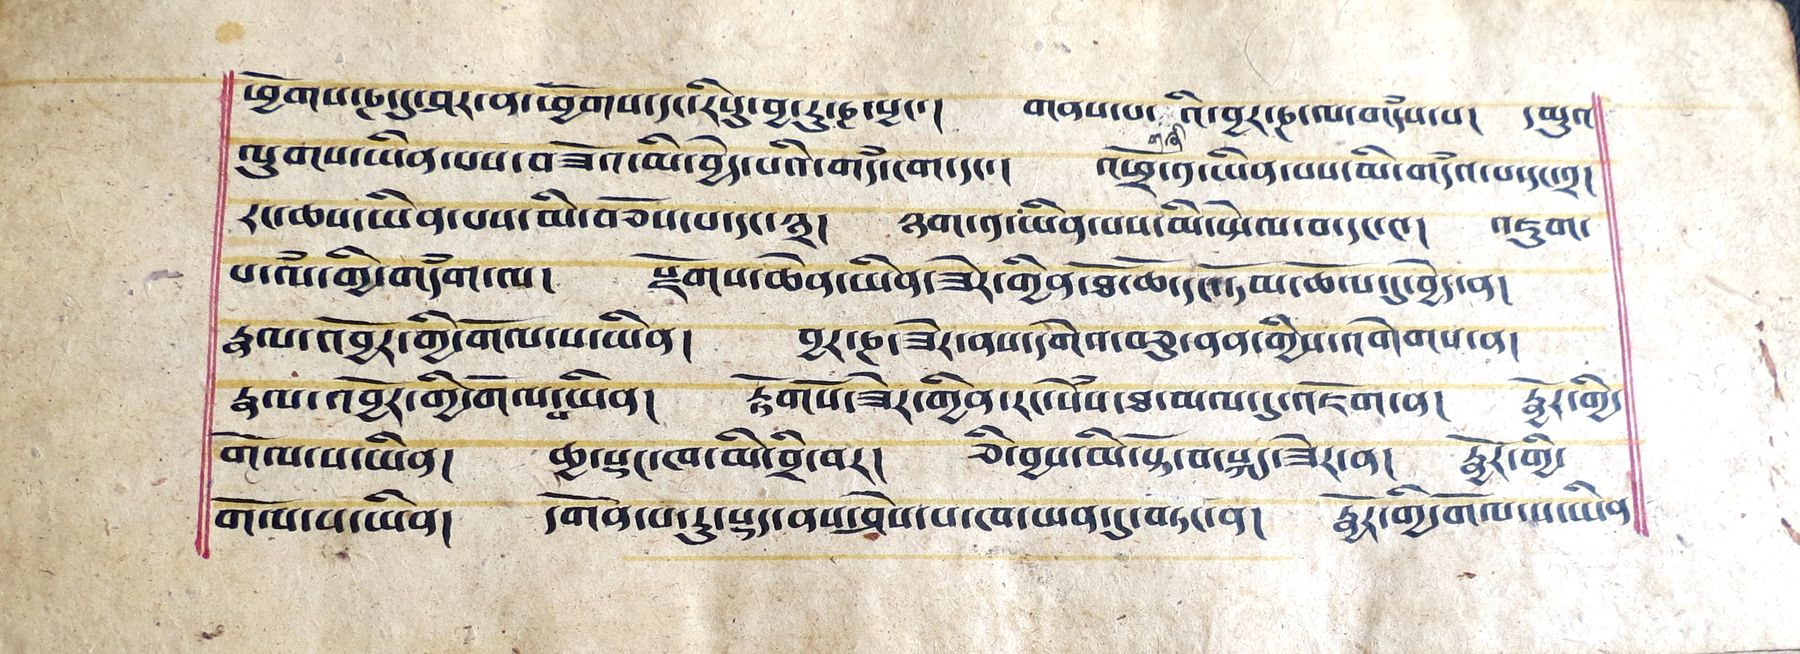ཕྱོགས་མེད་དུ་ཤར་ན། ཕྱོགས་དང་རིས་སུ་བྱ་རུ་མེད་གསུངས་སོ། །གནས་པ་གཞིའི་བྱར་མེད་ལ་གདམས་པ་བཞི། དམུ་
ལུགས་ཡིན་པས་བཟོ་མི་བྱེད་པའི་གདམས་པ་དང་གཅིག འཕྲོ་ཅིག་ཡིན་པས་མི་གདམས་པ་དང་གཉིས། 
རང་ཆས་ཡིན་པས་མི་བཅོས་པ་དང་གསུམ། ཉག་གཅིག་ཡིན་པས་མི་སྤེལ་པ་དང་བཞིའོ། །འཇུག་
པ་ལམ་གྱི་གདམས་ངག་ལ། རྫོགས་པ་ཆེན་པོ་ཡིན་ཟེར་གྱིན། ཐོ་ཅོ་དང་ཏོམ་ཆོལ་དུ་བྱེད་ན། 
རྣལ་འབྱོར་གྱི་གོལ་ས་ཡིན། བྱར་མེད་ཟེར་ནས་དགེ་བཅུ་ནན་གྱིས་འགེགས་ན། 
རྣལ་འབྱོར་གྱི་གོལ་ས་ཡིན། རྟོགས་སོ་ཟེར་ནས་རང་སེམས་ཐ་མལ་དུ་འཇོག་ན། རྣལ་འབྱོར་གྱི་
གོལ་ས་ཡིན། ཆགས་སྡང་ཁ་མ་བྲི་བར། ཅི་བྱས་པ་མི་སྟོ་བ་སྐད་ཟེར་ན། རྣལ་འབྱོར་གྱི་
གོལ་ས་ཡིན། དགོན་པར་བསྡད་ནས་ཤེས་པ་ཁ་ཡན་དུ་གཏོང་ན། རྣལ་འབྱོར་གྱི་གོལ་ས་ཡིན།